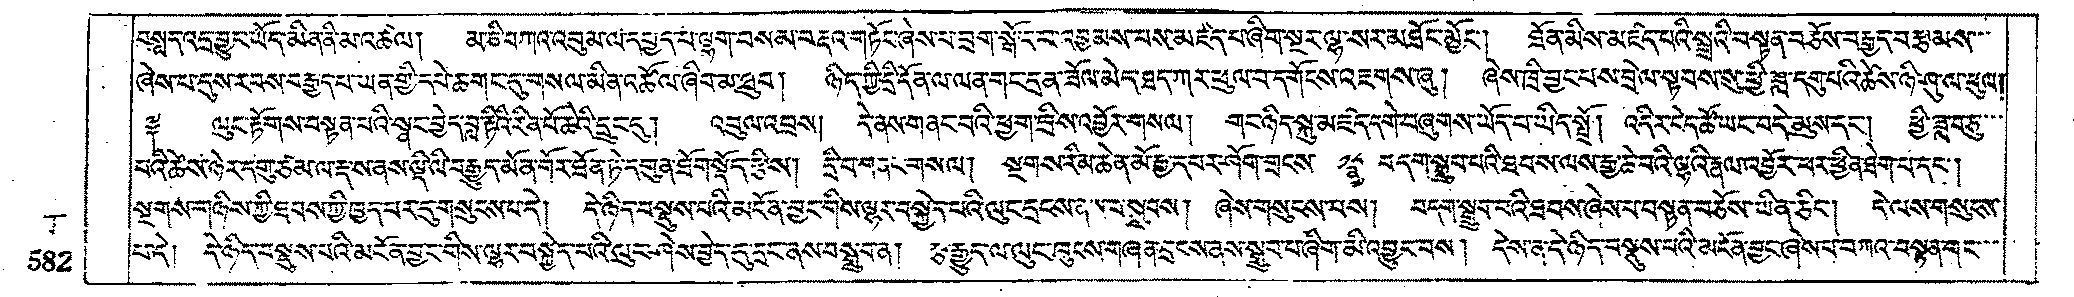བསླད་འདྲ་བྱུང་ཡོད་མིན་ནི་མ་འཚལ། མ་ཎི་བཀའ་འབུམ་ལ་དཔྱད་པ་ལྷག་བསམ་བརྡའ་གཏོང་ཞེས་པ་བྲག་སྒོ་རབ་འབྱམས་པས་མཛད་པ་ཞིག་སྔར་ལྷ་སར་མཐོང་མྱོང་། ཐོན་མིས་མཛད་པའི་སྒྲའི་བསྟན་བཅོས་བརྒྱད་བརྩམྶ་་་
ཞེས་པ་དུས་རབས་བརྒྱད་པ་ཡན་གྱི་དཔེ་ཆ་གང་དུ་གསལ་མིན་འཚོལ་ཞིབ་མ་ཐུབ། ཉིད་ཀྱི་དྲི་དོན་ལ་ལན་གང་དྲན་ཟོལ་མེད་ཐད་ཀར་ཕུལ་བ་དགོངས་འཇགས་ཞུ། ཞེས་ཁྲི་བྱངས་པས་བྲེལ་སྟབས་སུ་ཕྱི་ཟླ་དགུ་པའི་ཚེས་ཉི་ཤུ་ལ་ཕུལ།
འ་ལུང་རྟོགས་བསྟན་པའི་སྣང་བྱེད་བླ་རྟིའི་རིན་པོ་ཆེའི་དྲུང་དུ། འབུལ་འབྲས། དེ་ནས་གནང་བའི་ཕྱག་བྲིས་འབྱོར་གསལ། གང་ཉིད་སྐུ་མཛད་དགེ་བཞུགས་ཡོད་པ་ཡིད་སྤྲོ། །འདིར་ངེད་ཚོ་ཡང་བདེ་མུས་དང་། ཕྱི་ཟླ་བཅུ་་་
པའི་ཚེས་ཉེར་དགུ་ཙམ་ལ་རྡ་ས་ནས་ལྡི་ལི་བརྒྱུད་མོན་གོར་ཐོན་ཏེ་དགུན་ཐོག་སྡོད་རྩིས། དྲི་བ་གནང་གསལ། སྔགས་རིམ་ཆེན་མོ་རྒྱ་དཔར་ཤོག་གྲངས ༡༨་ན ༧་བདག་སྒྲུབ་པའི་ཐབས་ལས་རྒྱ་ཆེ་བའི་ལྷའི་རྣལ་འབྱོར་ཕར་ཕྱིན་ཐེག་པ་དང་།
སྔགས་གཉིས་ཀྱི་ཐབས་ཀྱི་ཁྱད་པར་དུ་གསུངས་པ་དེ། དེ་ཉིད་བསྡུས་པའི་མངོན་བྱང་གིས་ལྷར་བསྐྱེད་པའི་ལུང་དྲངས་ནས་བསྒྲུབས། ཞེས་གསུངས་པས། བདག་སྒྲུབ་པའི་ཐབས་ཞེས་པ་བསྟན་བཅོས་ཡིན་ཅིང་། དེ་ལས་གསུངས་
པ་དེ། དེ་ཉིད་བསྡུས་པའི་མངོན་བྱང་གིས་ལྷར་བསྐྱེད་པའི་ལུང་ཤེས་བྱེད་དུ་དྲང་ནས་བསྒྲུབ་ན། རྩ་རྒྱུད་ལ་ལུང་ཁུངས་གཞན་དྲངས་ནས་སྒྲུབ་པ་ཞིག་མི་འབྱུང་བས། དེས་ན་དེ་ཉིད་བསྡུས་པའི་མངོན་བྱང་ཞེས་པ་བཀའ་བསྟན་གང་་་